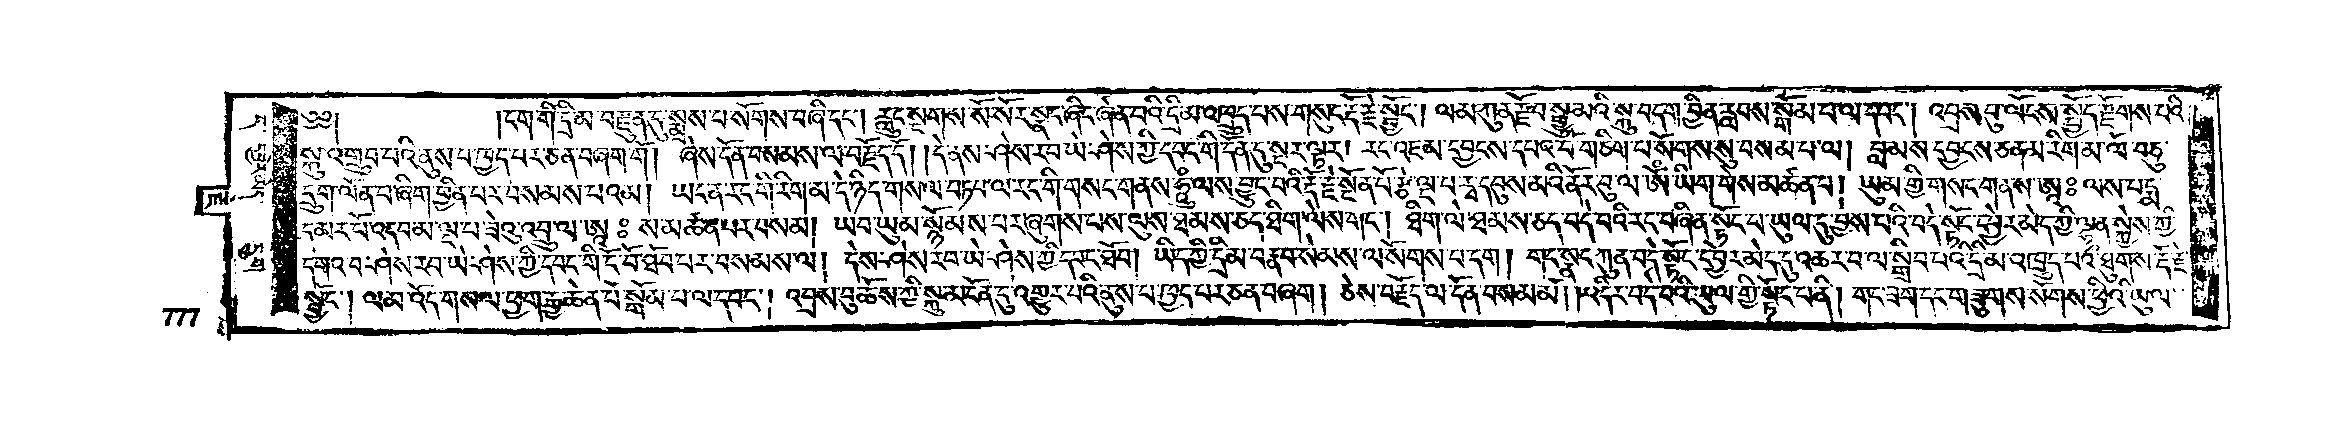༄༅། །ངག་གི་དྲི་མ་བརྫུན་དུ་སྨྲས་པ་སོགས་བཞི་དང་། རླུང་སྔགས་སོ་སོར་སྣང་ཞིང་ཞེན་པའི་དྲི་མ་འཁྲུད་པས་གསུང་རྡོ་རྗེ་སྦྱོང་། ལམ་ཀུན་རྫོབ་སྒྱུ་མའི་སྐུ་བདག་བྱིན་རླབས་སྒོམ་པ་ལ་དབང་། འབྲས་བུ་ལོངས་སྤྱོད་རྫོགས་པའི་
སྐུ་འགྲུབ་པའི་ནུས་པ་ཁྱད་པར་ཅན་བཞག་གོ །ཞེས་དོན་བསམས་ལ་བརྗོད་དོ། །དེ་ནས་ཤེས་རབ་ཡེ་ཤེས་ཀྱི་དབང་གི་དོན་དུ་སྔར་ལྟར། རང་འཇམ་དབྱངས་དཔའ་བོ་གཅིག་པ་སོགས་སུ་བསམ་པ་ལ། བླ་མས་དབྱངས་ཅན་མ་རིག་མ་ལོ་བཅུ་
དྲུག་ལོན་པ་ཞིག་ཕྱིན་པར་བསམས་པའམ། ཡང་ན་རང་གི་རིག་མ་དེ་ཉིད་གསལ་བཏབ་ལ་རང་གི་གསང་གནས་ཧཱུཾ་ལས་བྱུང་བའི་རྡོ་རྗེ་སྔོན་པོ་རྩེ་ལྔ་པ་རྭ་དབུས་མའི་ནོར་བུ་ལ་ཨོཾ་ཡིག་གེས་མཚན་པ། ཡུམ་གྱི་གསང་གནས་ཨཱཿ ལས་པདམ་
དམར་པོ་འདབ་མ་ལྔ་པ་ཟེའུ་འབྲུ་ལ་ཨཱཿ ས་མཚན་པར་བསམ། ཡབ་ཡུམ་སྙོམས་པར་ཞུགས་པས་ལུས་ཐམས་ཅད་ཐིག་ལེས་གང་། ཐིག་ལེ་ཐམས་ཅད་བདེ་བའི་རང་བཞིན་སྟོང་པ་ཡུལ་དུ་བྱས་པའི་བདེ་སྟོང་དབྱེར་མེད་ཀྱི་ལྷན་སྐྱེས་ཀྱི་
དགའ་བ་ཤེས་རབ་ཡེ་ཤེས་ཀྱི་དབང་གི་ངོ་བོ་ཐོབ་པར་བསམས་ལ། དེས་ཤེས་རབ་ཡེ་ཤེས་ཀྱི་དབང་ཐོབ། ཡིད་ཀྱི་དྲི་མ་བརྣབ་སེམས་ལ་སོགས་པ་དག །གང་སྣང་ཀུན་བདེ་སྟོང་དབྱེར་མེད་དུ་འཆར་བ་ལ་སྒྲིབ་པའི་དྲི་མ་འཁྲུད་པའི་ཐུགས་རྡོ་རྗེ་
སྦྱོང་། ལམ་འོད་གསལ་ཕྱག་རྒྱ་ཆེན་པོ་སྒོམ་པ་ལ་དབང་། འབྲས་བུ་ཆོས་ཀྱི་སྐུ་མངོན་དུ་འགྱུར་པའི་ནུས་པ་ཁྱད་པར་ཅན་བཞག །ཅེས་བརྗོད་ལ་དོན་བསམ་མོ། །འདིར་བདེ་བའི་ཡུལ་གྱི་སྟོང་པ་ནི། གང་ཟག་དང་གཟུགས་སོགས་ཕྱིའི་ཡུལ་